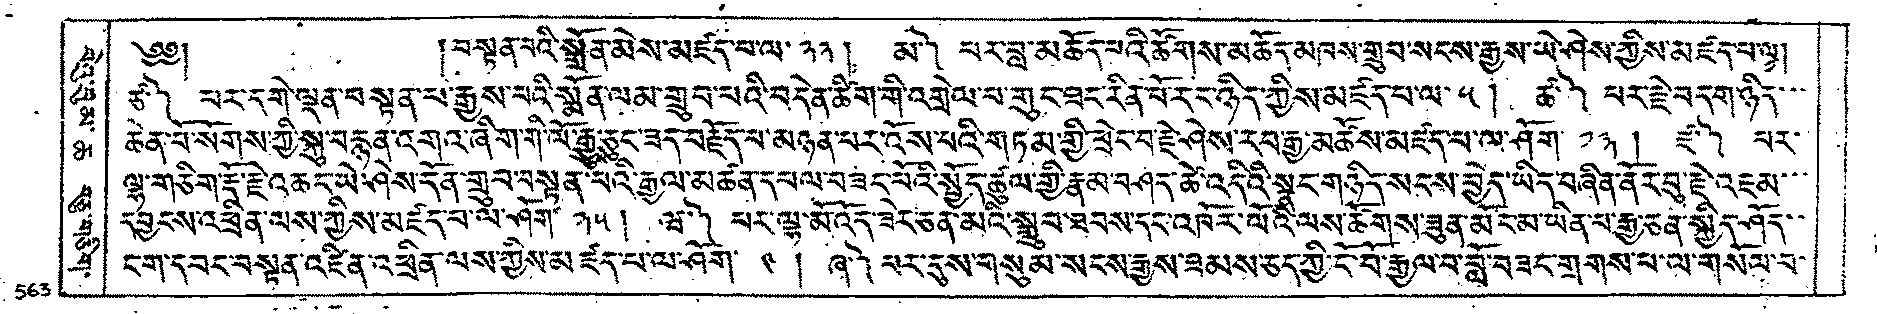༄༅། །བསྟན་པའི་སྒྲོན་མེས་མཛད་པ་ལ ༢༢། མ྄་པར་བླ་མཆོད་པའི་ཚོགས་མཆོད་མཁས་གྲུབ་སངས་རྒྱས་ཡེ་ཤེས་ཀྱིས་མཛད་པ་ལ ༡།
ཙ྄་པར་དགེ་ལྡན་བསྟན་པ་རྒྱས་པའི་སྨོན་ལམ་གྲུབ་པའི་བདེན་ཚིག་གི་འགྲེལ་པ་གུང་ཐང་རིན་པོ་རང་ཉིད་ཀྱིས་མཛད་པ་ལ ༥། ཚ྄་པར་རྗེ་བདག་ཉིད་
ཆེན་པོ་སོགས་ཀྱི་སྐུ་བརྙན་འགའ་ཞིག་གི་ལོ་རྒྱུས་ཅུང་ཟད་བརྗོད་པ་མཉན་པར་འོས་པའི་གཏམ་གྱི་ཕྲེང་བ་རྗེ་ཤེས་རབ་རྒྱ་མཚོས་མཛད་པ་ལ་ཤོག ༡༣། ཛ྄་པར་
ལྷ་གཅིག་རྡོ་རྗེ་འཆང་ཡེ་ཤེས་དོན་གྲུབ་བསྟན་པའི་རྒྱལ་མཚན་དཔལ་བཟང་པོའི་སྤྱོད་ཚུལ་གྱི་རྣམ་བཤད་ཚེ་འདིའི་སྣང་གཉིད་སངས་བྱེད་ཡིད་བཞིན་ནོར་བུ་རྗེ་འཇམ་
དབྱངས་འཕྲིན་ལས་ཀྱིས་མཛད་པ་ལ་ཤོག ༢༥། ཝ྄་པར་ལྷ་མོ་འོད་ཟེར་ཅན་མའི་སྒྲུབ་ཐབས་དང་འཁོར་ལོའི་ལས་ཚོགས་ཐུན་མོང་མ་ཡིན་པ་རྒྱ་ཅན་སྐྱིད་ཤོད་
ངག་དབང་བསྟན་འཛིན་འཕྲིན་ལས་ཀྱིས་མཛད་པ་ལ་ཤོག ༤། ཞ྄་པར་དུས་གསུམ་སངས་རྒྱས་ཐམས་ཅད་ཀྱི་ངོ་བོ་རྒྱལ་བ་བློ་བཟང་གྲགས་པ་ལ་གསོལ་བ་